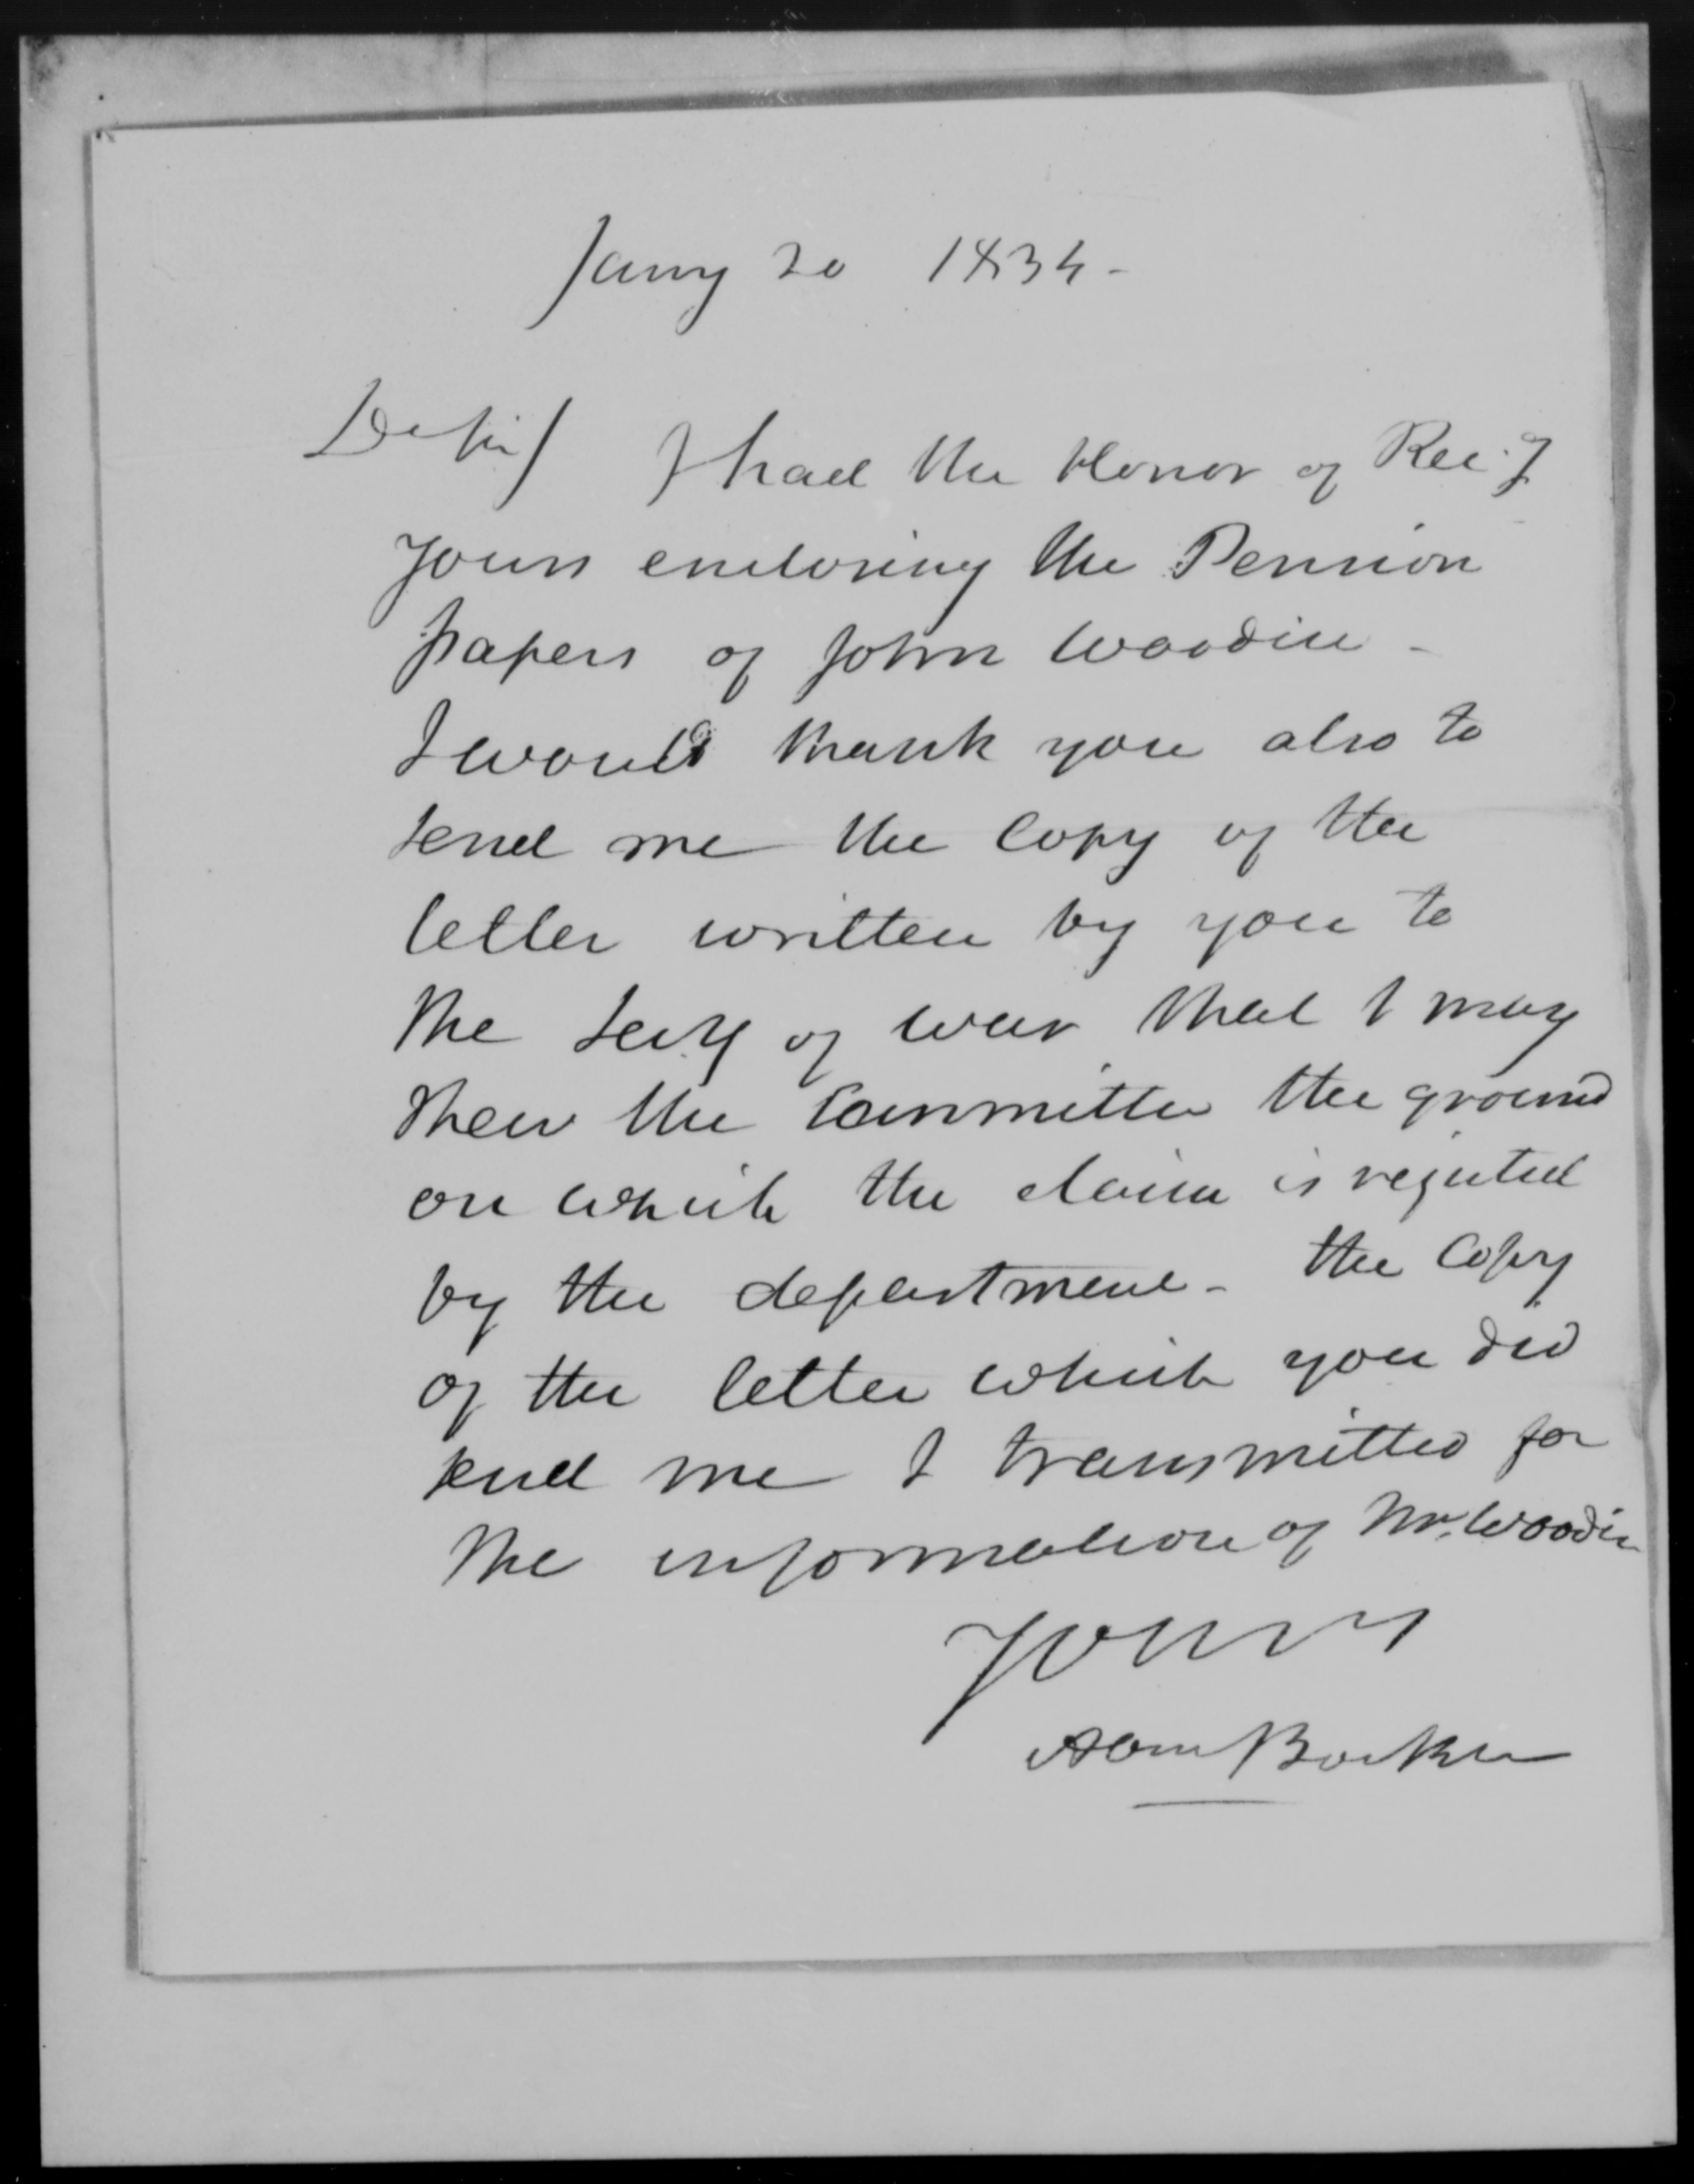Jany 20 1834 
Dear Sir
I had the honor of Rect your enclosing the Pension papers of John Woodin I would thank you also to send me the copy of the letter written by you to the Secy of war that I may shew the committee the ground on which the claim is rejected by the department the copy of the letter which you did send me I transmitted for the information of Mr. Woodin.
Yours
Abm Booker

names: John Woodin, Abm Bucker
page: 77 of 77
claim: widow's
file: W. 19658, John Woodin, New York